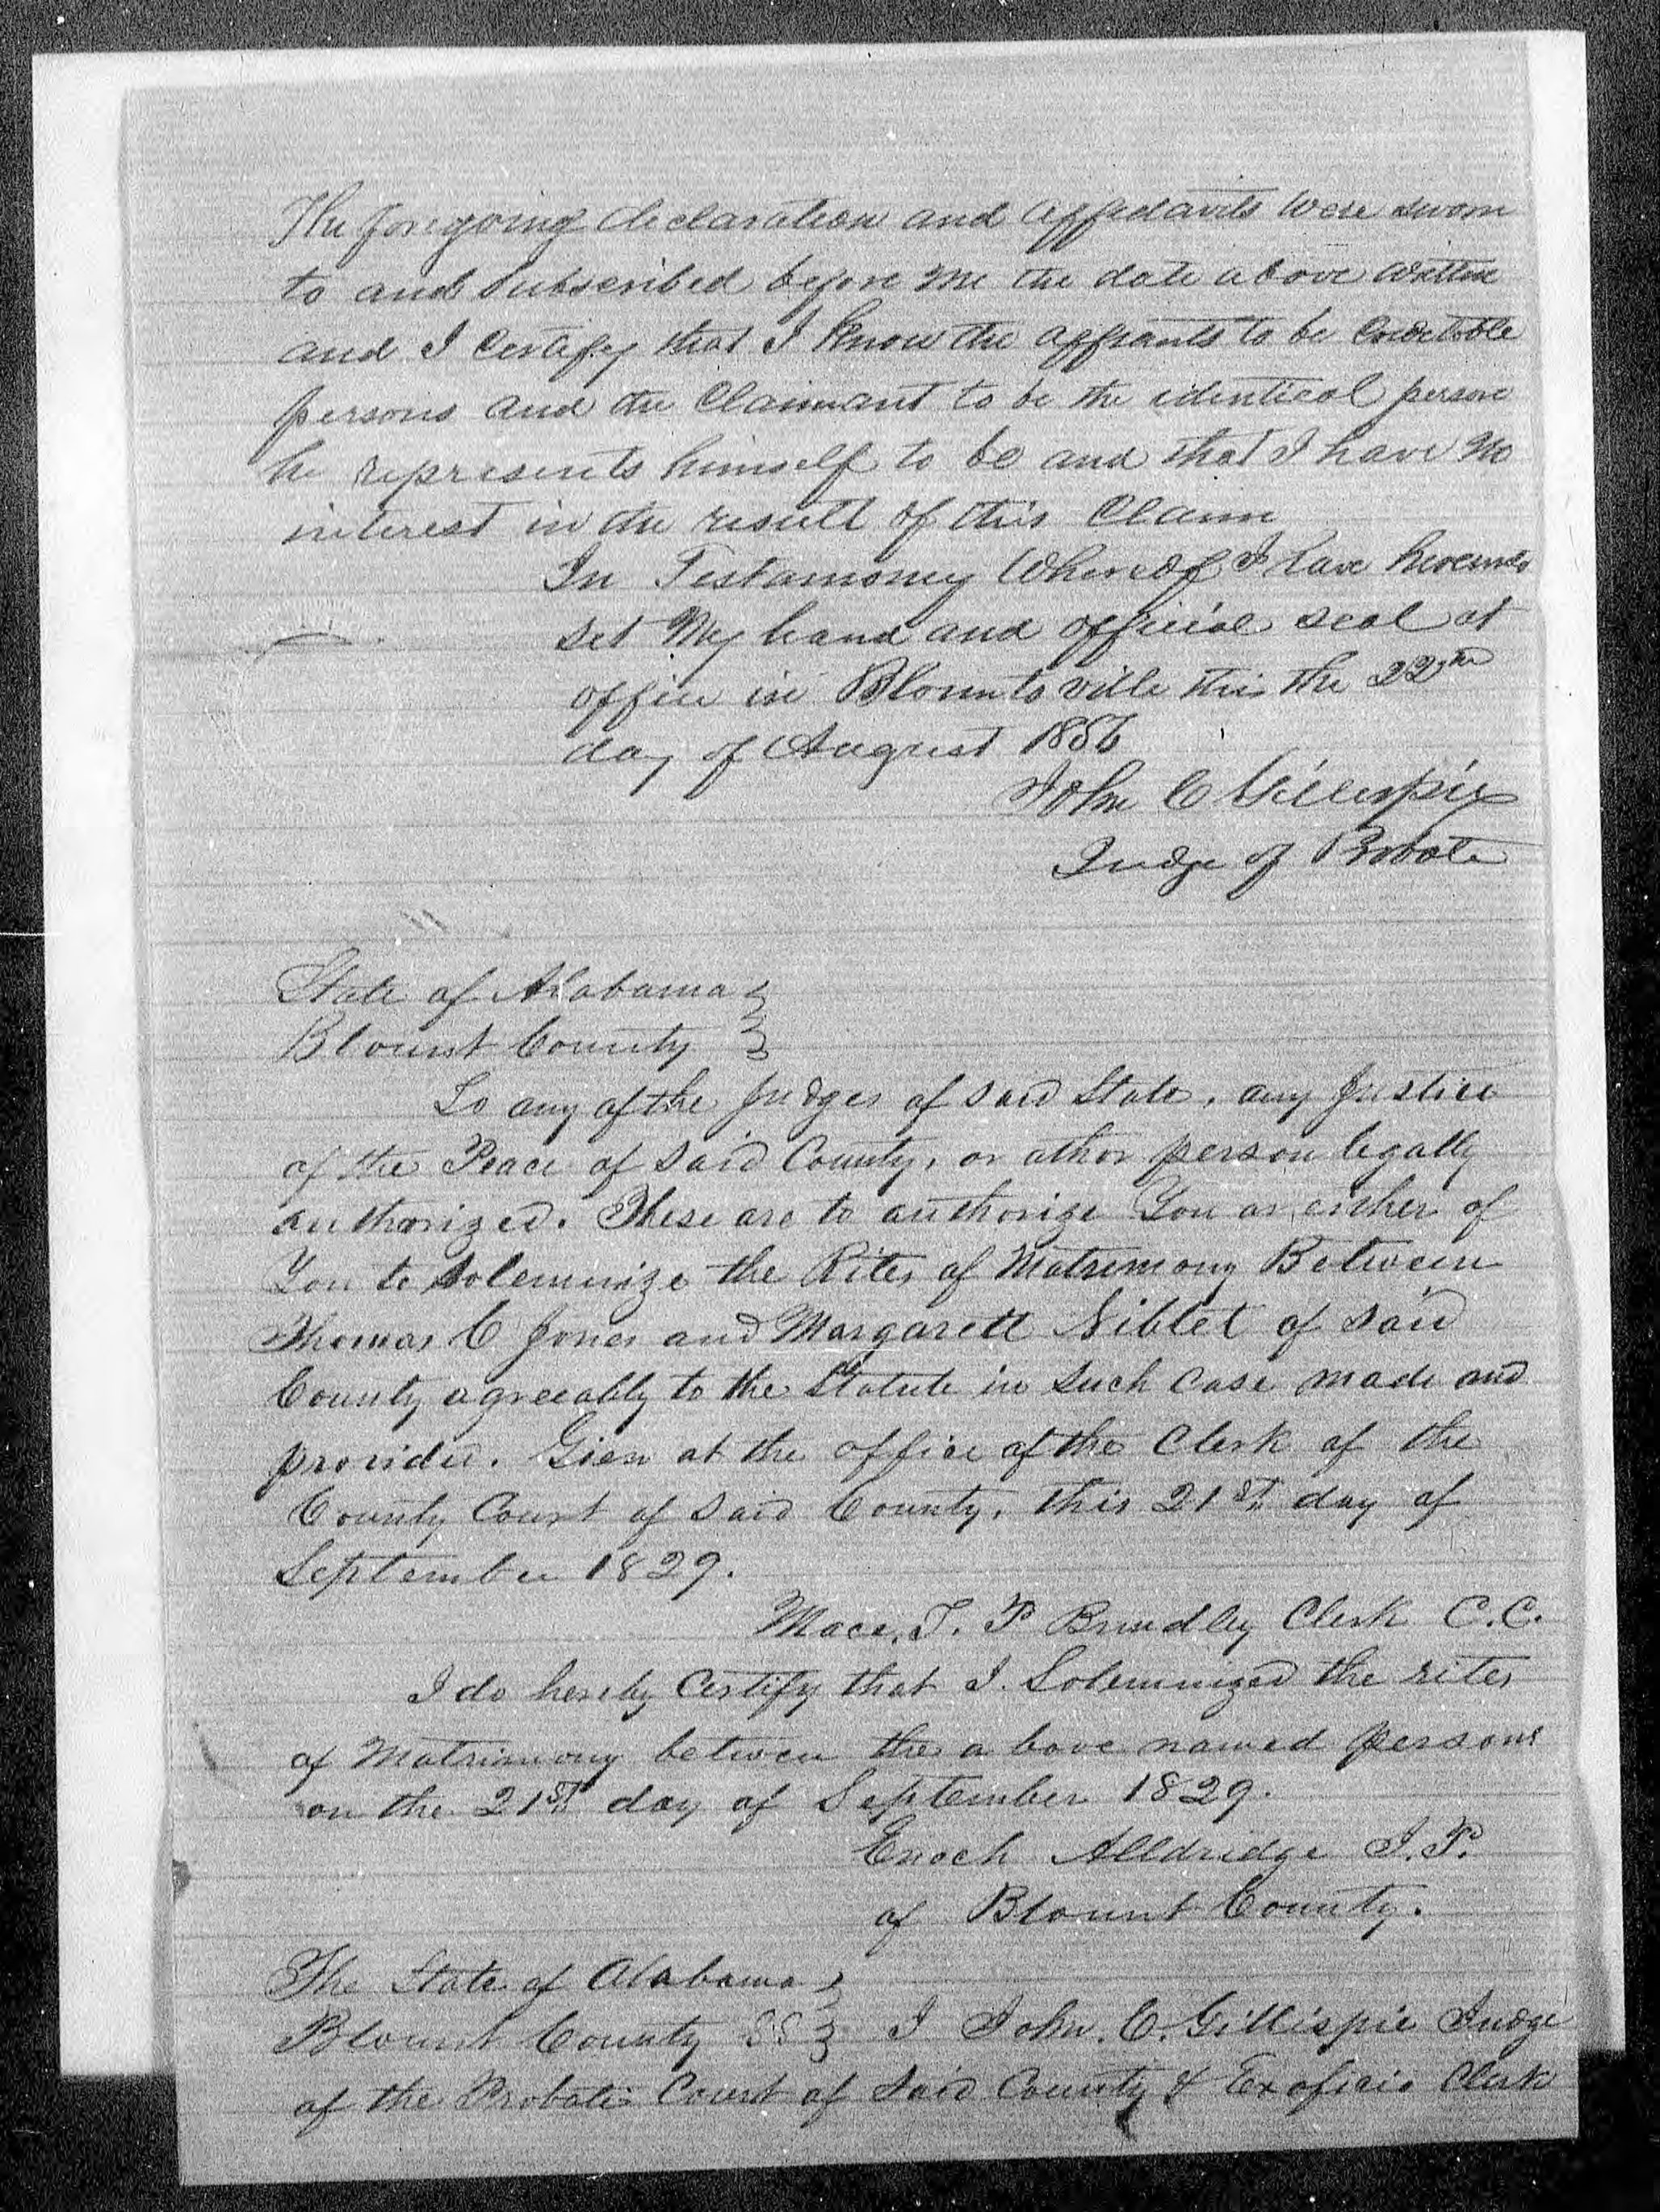The foregoing declaration and affidavits were sworn
to and subscribed before me the date above written
and I certify that I know the affiants to be [honorable?]
persons and the claimant to be the identical person
he represents himself to be and that I have no
interest in the result of this claim
In Testamony [testimony] whereof I have herewith
set My hand and official seal of
office in Blountsville this the 22nd
day of August 1856
John C. Gillispie
Judge of Probate

State of Alabama
Blount County 
To any of the Judges of said State, any Justice
of the Peace of said County, or other person legally
authorized.  These are to authorize You as either of
You to Soleminize [solemnize] the Rites of Matrimony Between
Thomas C. Jones and Margarett Niblet of said
County agreeably to the Statute in such case made and 
provided.  Given at the office of the Clerk of the 
County Court of said County, this 21st day of 
September 1829.
Mace T. P. Brindley Clerk C.C.
I do hereby certify that I Solemnized the rites
of Matrimony between the above named persons
on the 21st day of September 1829.
Enoch Alldridge, J.P.
of Blount County.
The State of Alabama
Blount County  SS 
I John C. Gillispie Judge
of the Probate Court of said County & Exoficio Clerk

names: Margarett Niblet; Enoch Alldridge; John C Gillispie; Mace T P Brindley; Thomas C Jones; John C Gillespie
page: 21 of 45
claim: widow's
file: W. 26160, for Thomas C Jones, Georgia